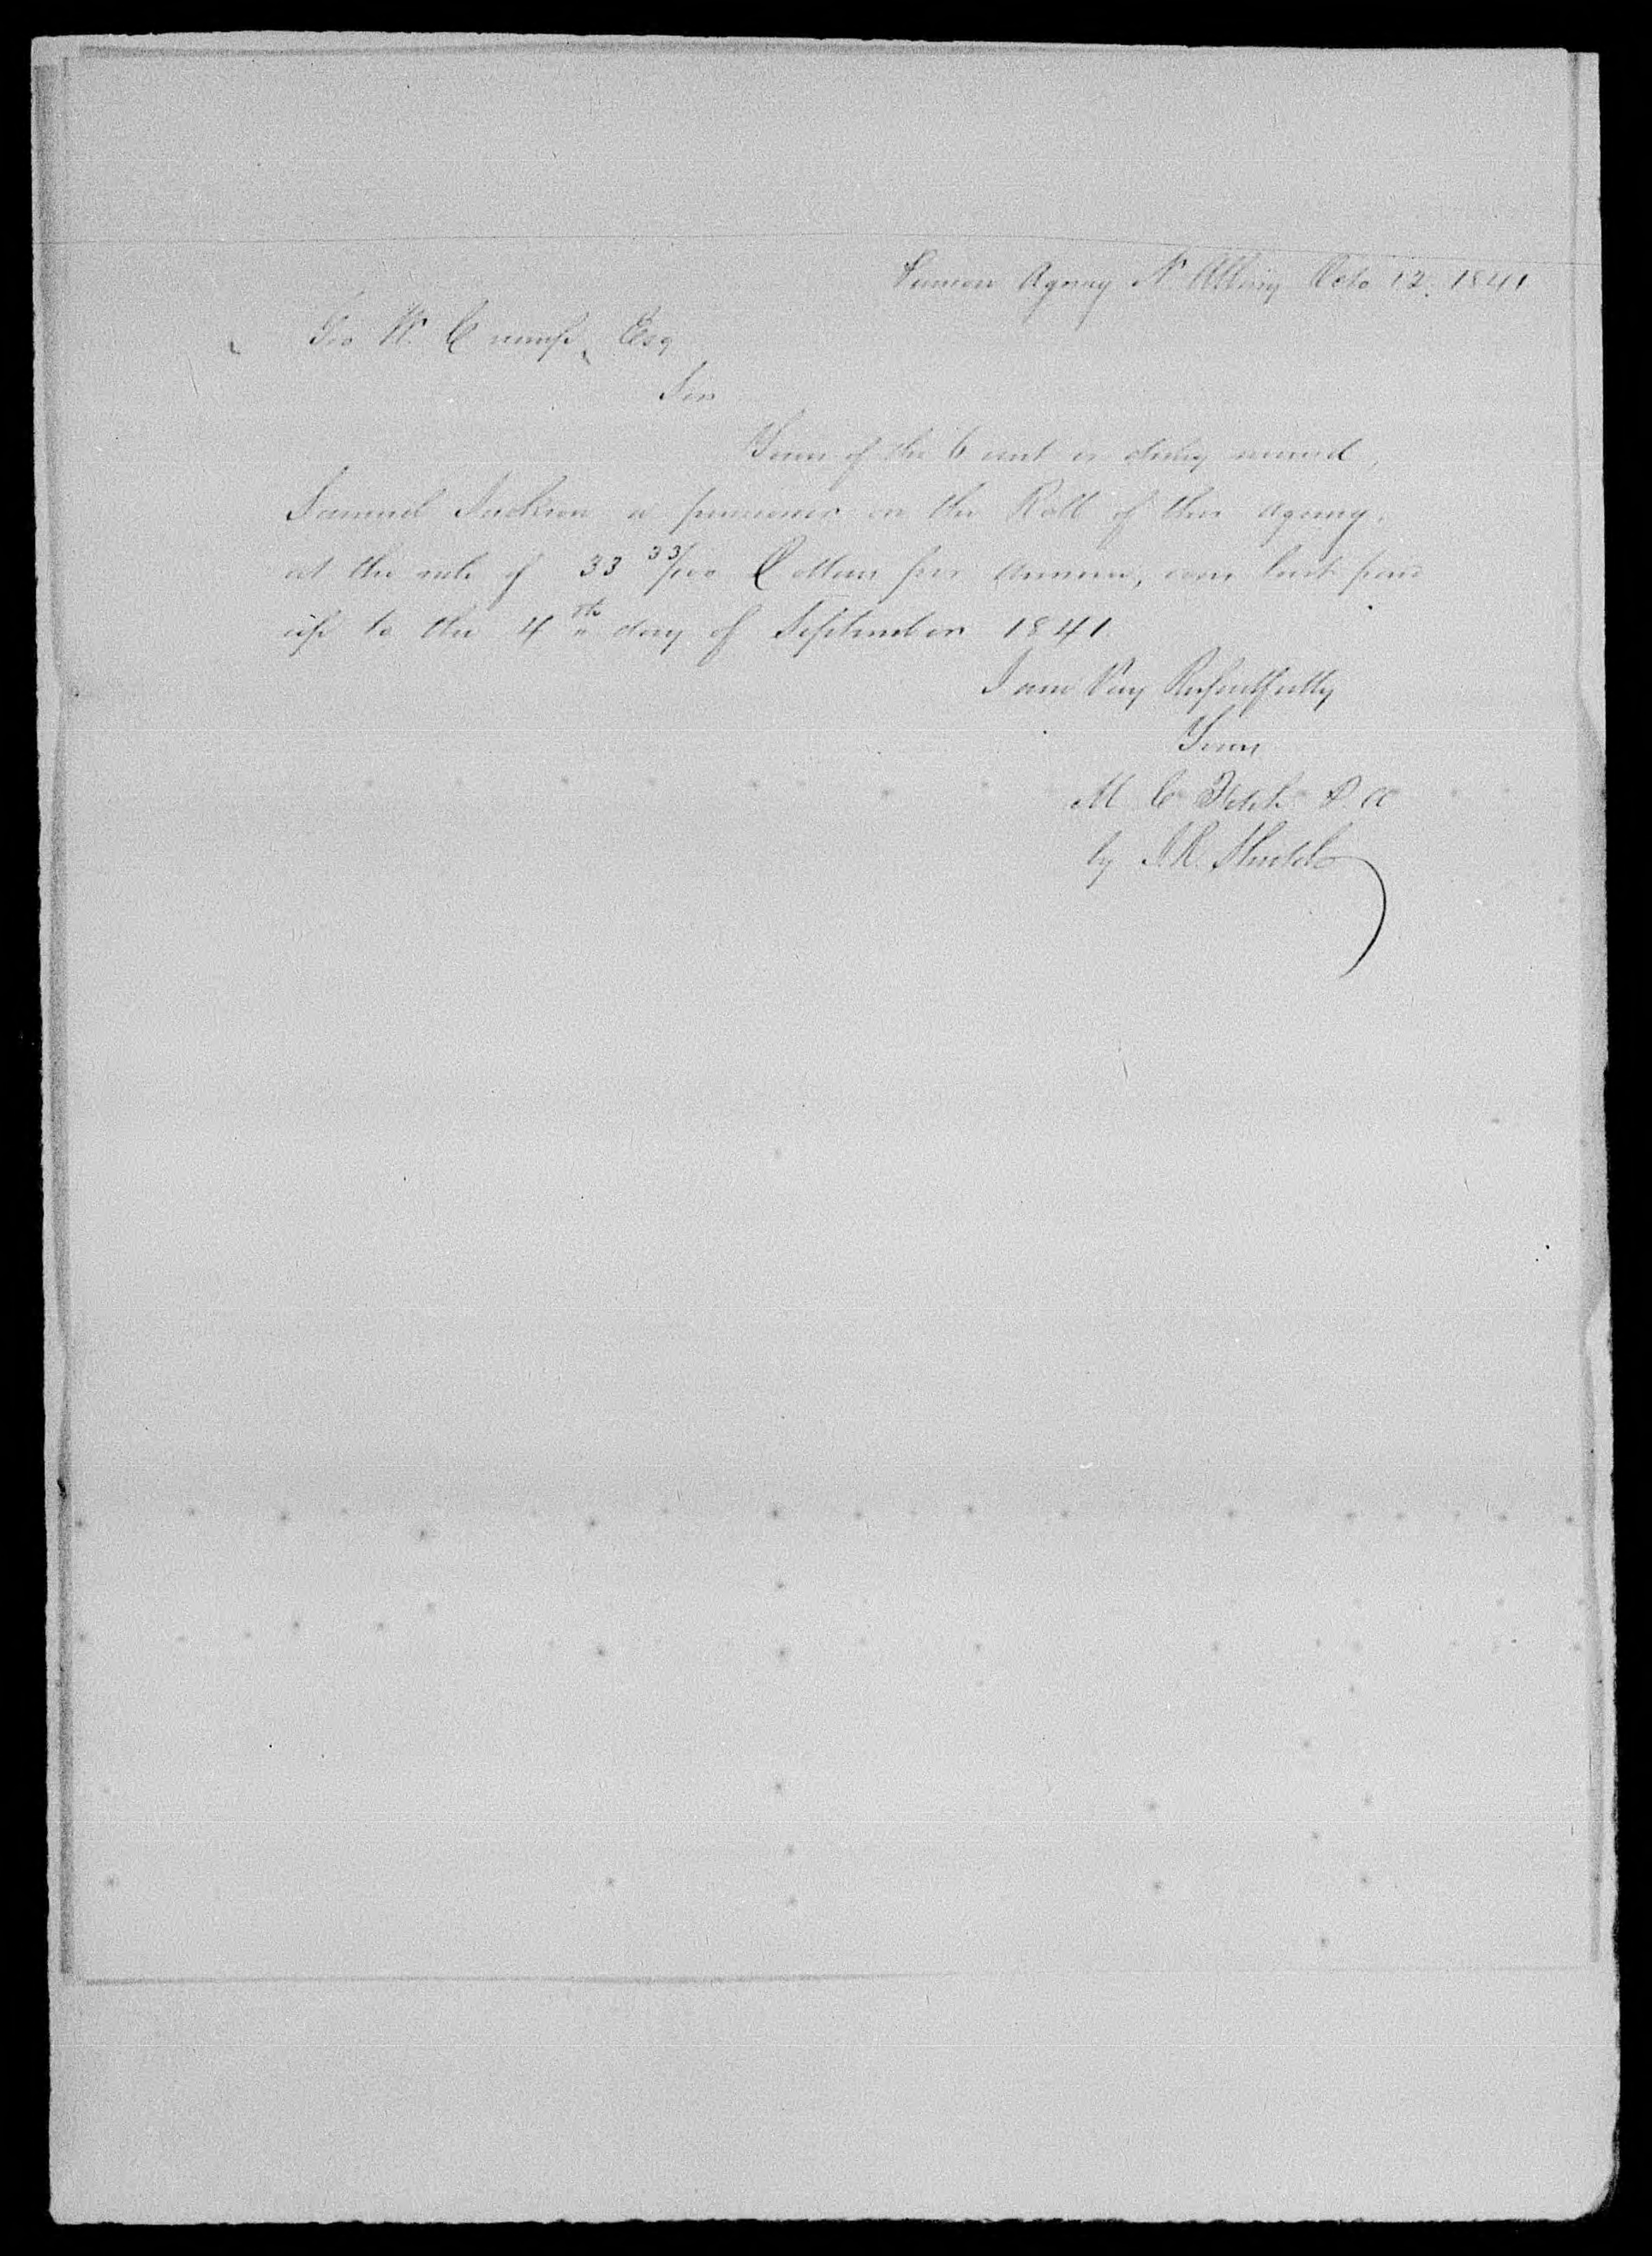Pension Agency N Albany Octo 12, 1841

Geo W. Crump Esq
Sir
[This line, illegible]
Samuel Jackson a penson on the Roll of this agency
at the rate of 33 33/100 Dollars per Annum was last paid
up to the 4th day of September 1841
I am thy Respetfully
[Illegible]
M C. Fitch P. A
by J. R. Shields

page: 43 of 56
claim: rejected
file: R 5529, for Samuel Jackson, Virginia